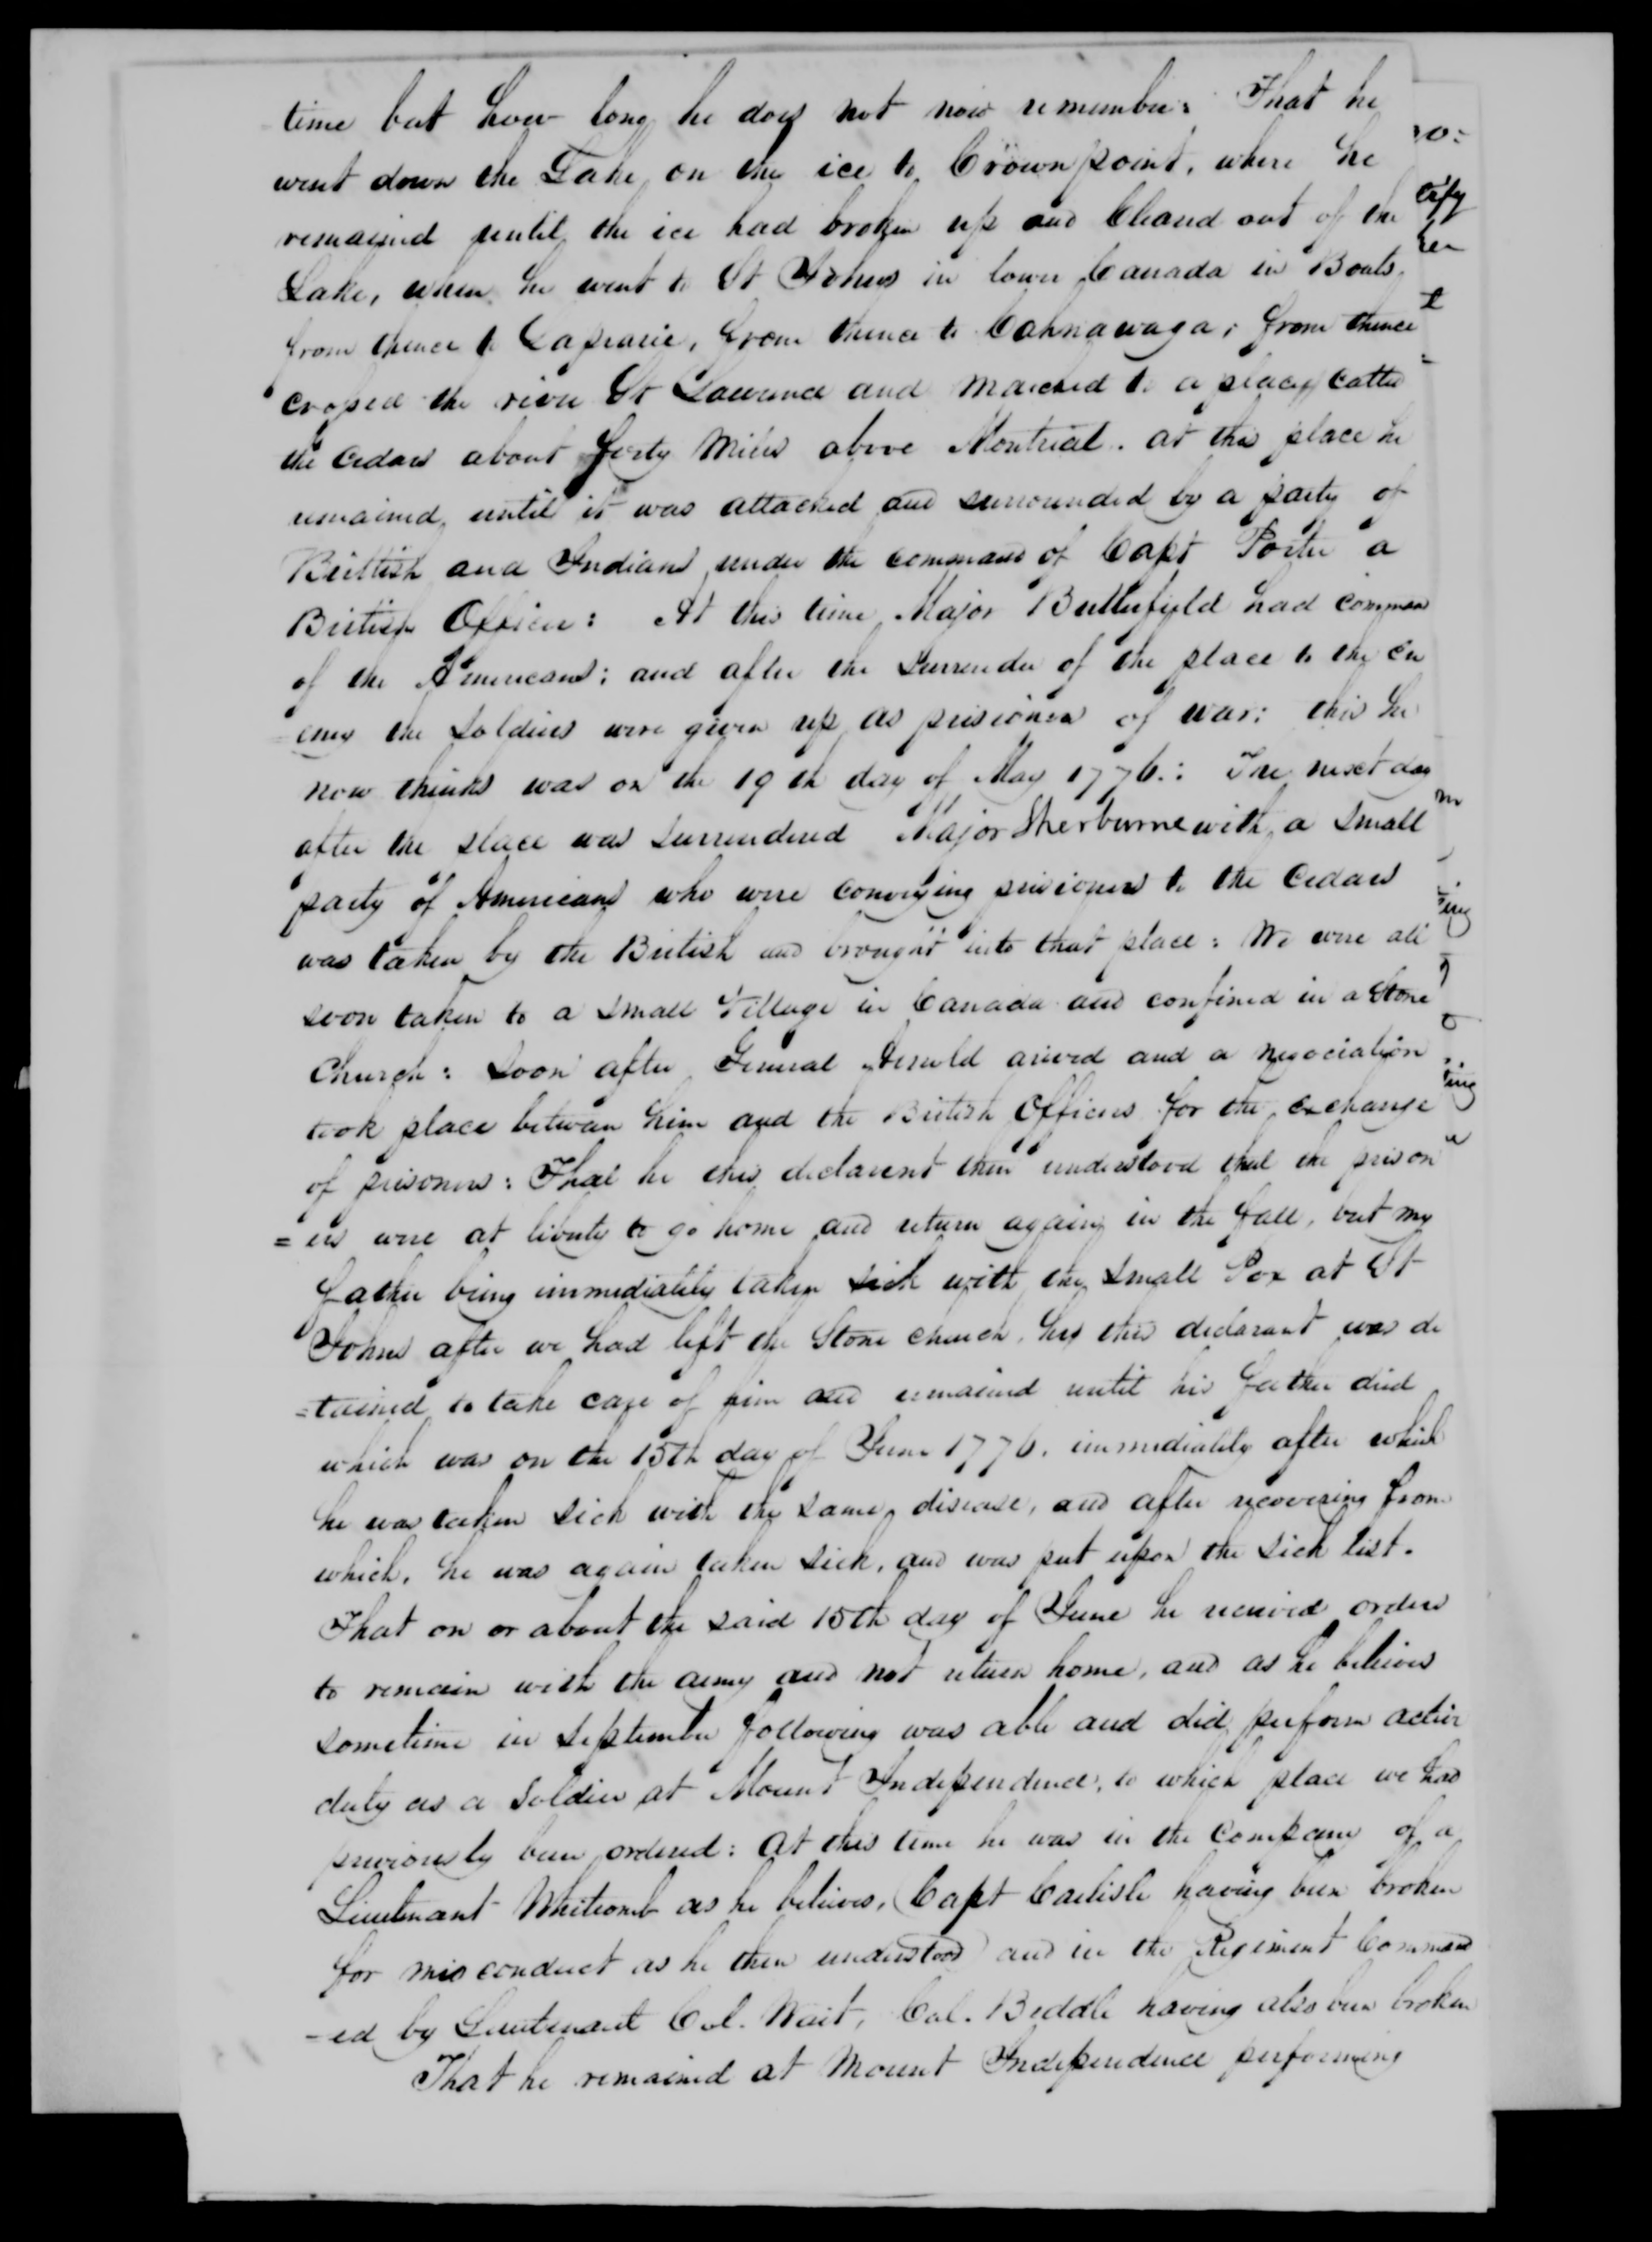time but how long he does not now remember. That he
went down the Lake on the ice to Crownpoint, where he
remained until the ice had broken up and land out of the
Lake, when he went to St Johns in town Canada in Boats
from thence 1 Caprarie, from thence to Cahnawaga, from thence
crossed the river St Lawrence and marched to a place called
the order about forty miles above Montrial, at this place in
remained until it was attacked and surrounded by a party of
British and Indians, under the command of Capt Porter a
British Officer. At this time Major Butterfild had command
of the Amns; and after the surrender of the place to the
as the soldiers were given up as prisioners of war; this he now
thinks was on the 19th day of May 1776. The next
after the stage was surrendered Major Sherburne with a small
party of Americans who were conveying prisoners to the Cedars
was taken by the British and brought into that place. We were all
my
soon taken to a small village in Canada and confined in a store
of
Church. Soon after General Arnold arived and a negotiation
took place between him and the British Offices for the exchange
of prisoners. That he this declarant then understood that the prison
were at liberty to go home and return again in the fall, but my
father being immediately taken sick with the small pox at St
Johns after we had left the Stone church, his this declarant was detained to take care of him and remained until his father died
which was on the 15th day of June 1776. immediately after which
he was taken sick with the same disease, and after recovering from
which he was again taken sick, and was put upon the sick list
That on or about the said 15th day of June he received orders
to remain with the army and not return home, and as he believes
sometime in September following was able and did perform action
duty as a soldier at Mount Independence, to which place we had
previously been ordered. At this time he was in the Company of a
Lintenant Whitcomb as he believes, Capt Carlisle having been broken
for misconduct as he then understood and in the Regiment command
by Luntenant Col. Wait, Cal. Biddle having also be broken
That he remained at Mount Independence performing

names: Porter, Wait, Arnold, Carlisle, Biddle, Butterfield, Sherburne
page: 8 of 18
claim: survivor's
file: S. 11848, John Willard, N. H.